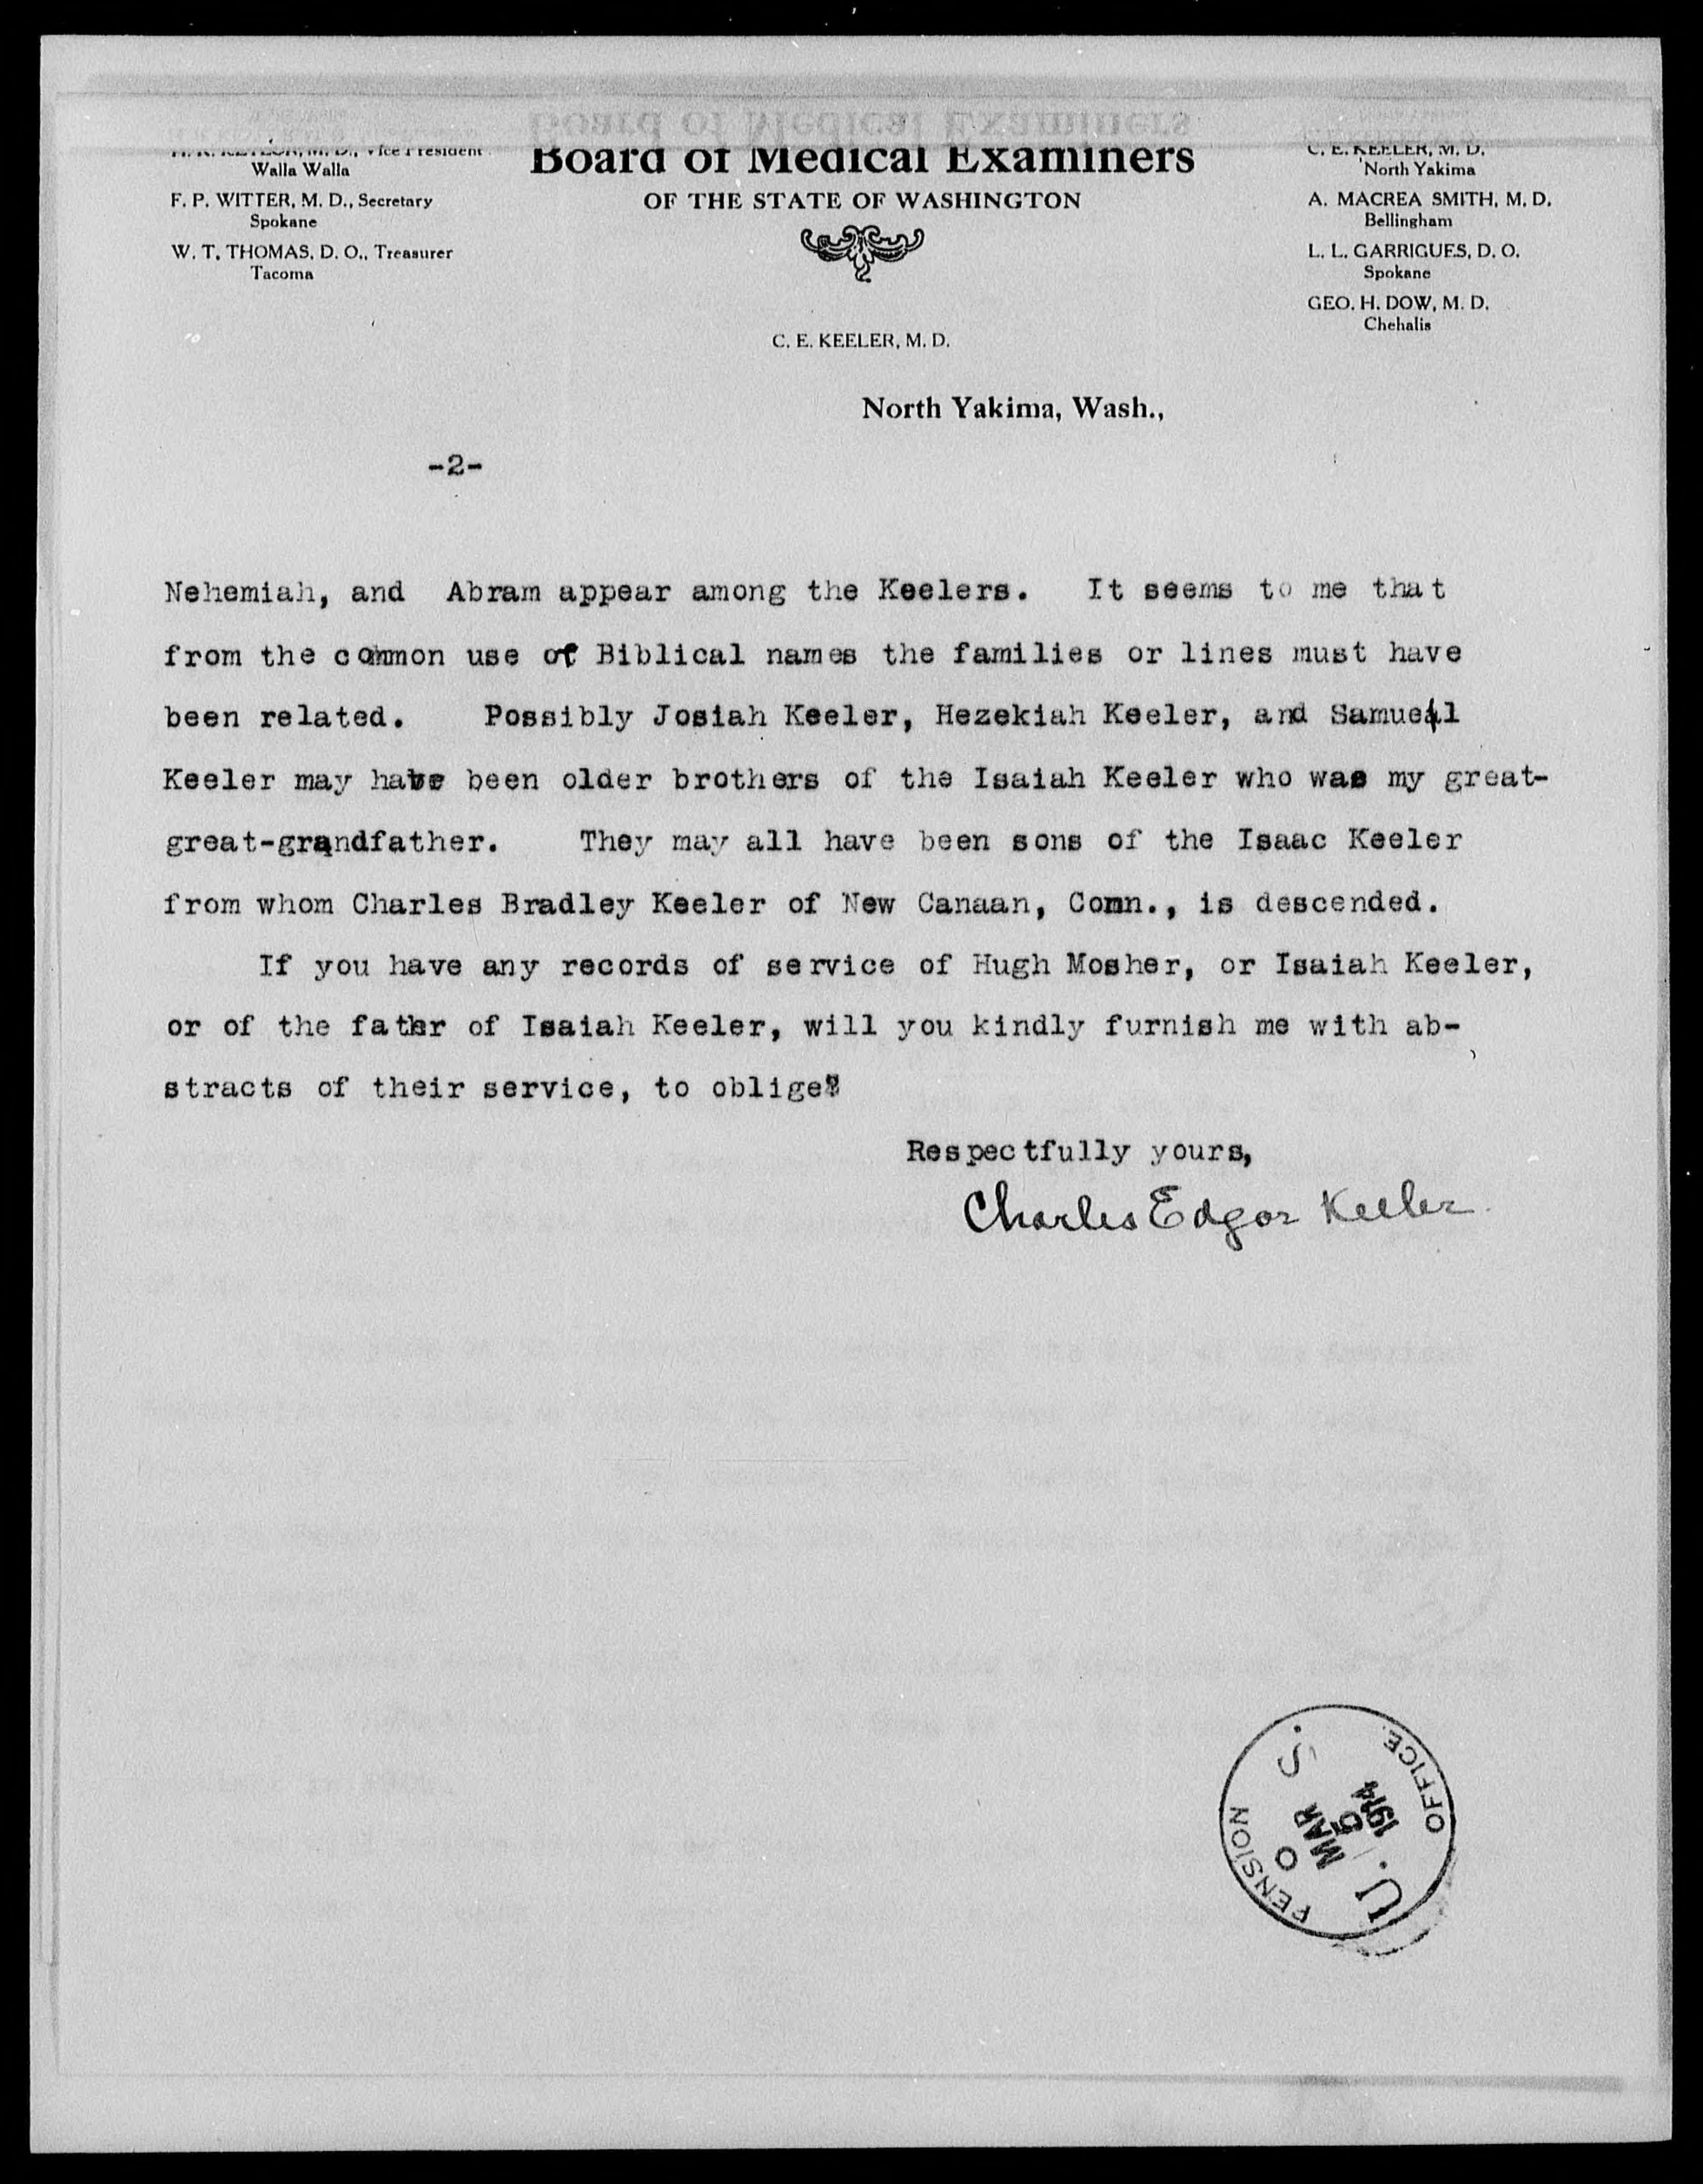Board of Medical Examiners
OF THE STATE OF WASHINGTON
C. E. KEELER, M. D.
North Yakima, Wash.,


[illegible] Vice President
Walla Walla
F. P. WITTER, M. D., Secretary
Spokane
W. T. THOMAS, D. O., Treasurer
Tacoma

C.E. Keeler
North Yakima
A. MACREA SMITH, M. D.
Bellingham
L. L. GARRIGUES, D. O.
Spokane
GEO. H. DOW, M. D.
Chehalis

-2-
Nehemiah, and Abram appear among the Keelers. It seems to me that
from the common use of Biblical names the families or lines must have
been related. Possibly Josiah Keeler, Hezekiah Keeler, and Samuel
Keeler may have been older brothers of the Isaiah Keeler who was my great
great-grandfather. They may all have been sons of the Isaac Keeler
from whom Charles Bradley Keeler of New Canaan, Conn., is descended.
If you have any records of service of Hugh Mosher, or Isaiah Keeler,
or of the father of Isaiah Keeler, will you kindly furnish me with abstracts
of their service, to oblige?
Respectfully yours,
Charles Edgar Keeler

[stamped] U.S.Pension Office Mar 5 1914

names: Geo H Dow; W T Thomas; Charles Bradley Keeler; Isaiah Keeler; Hugh Mosher; Isaac Keeler; Abram [BLANK]; F P Witter; Samuel Keeler; Josiah Keeler; A Macrea Smith; Hezekiah Keeler; C E Keeler; Charles Edgor Keeler; Nehemiah [BLANK]; L L Garrigues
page: 22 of 26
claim: survivor's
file: S. 13,625, for Isaiah Keeler, New York